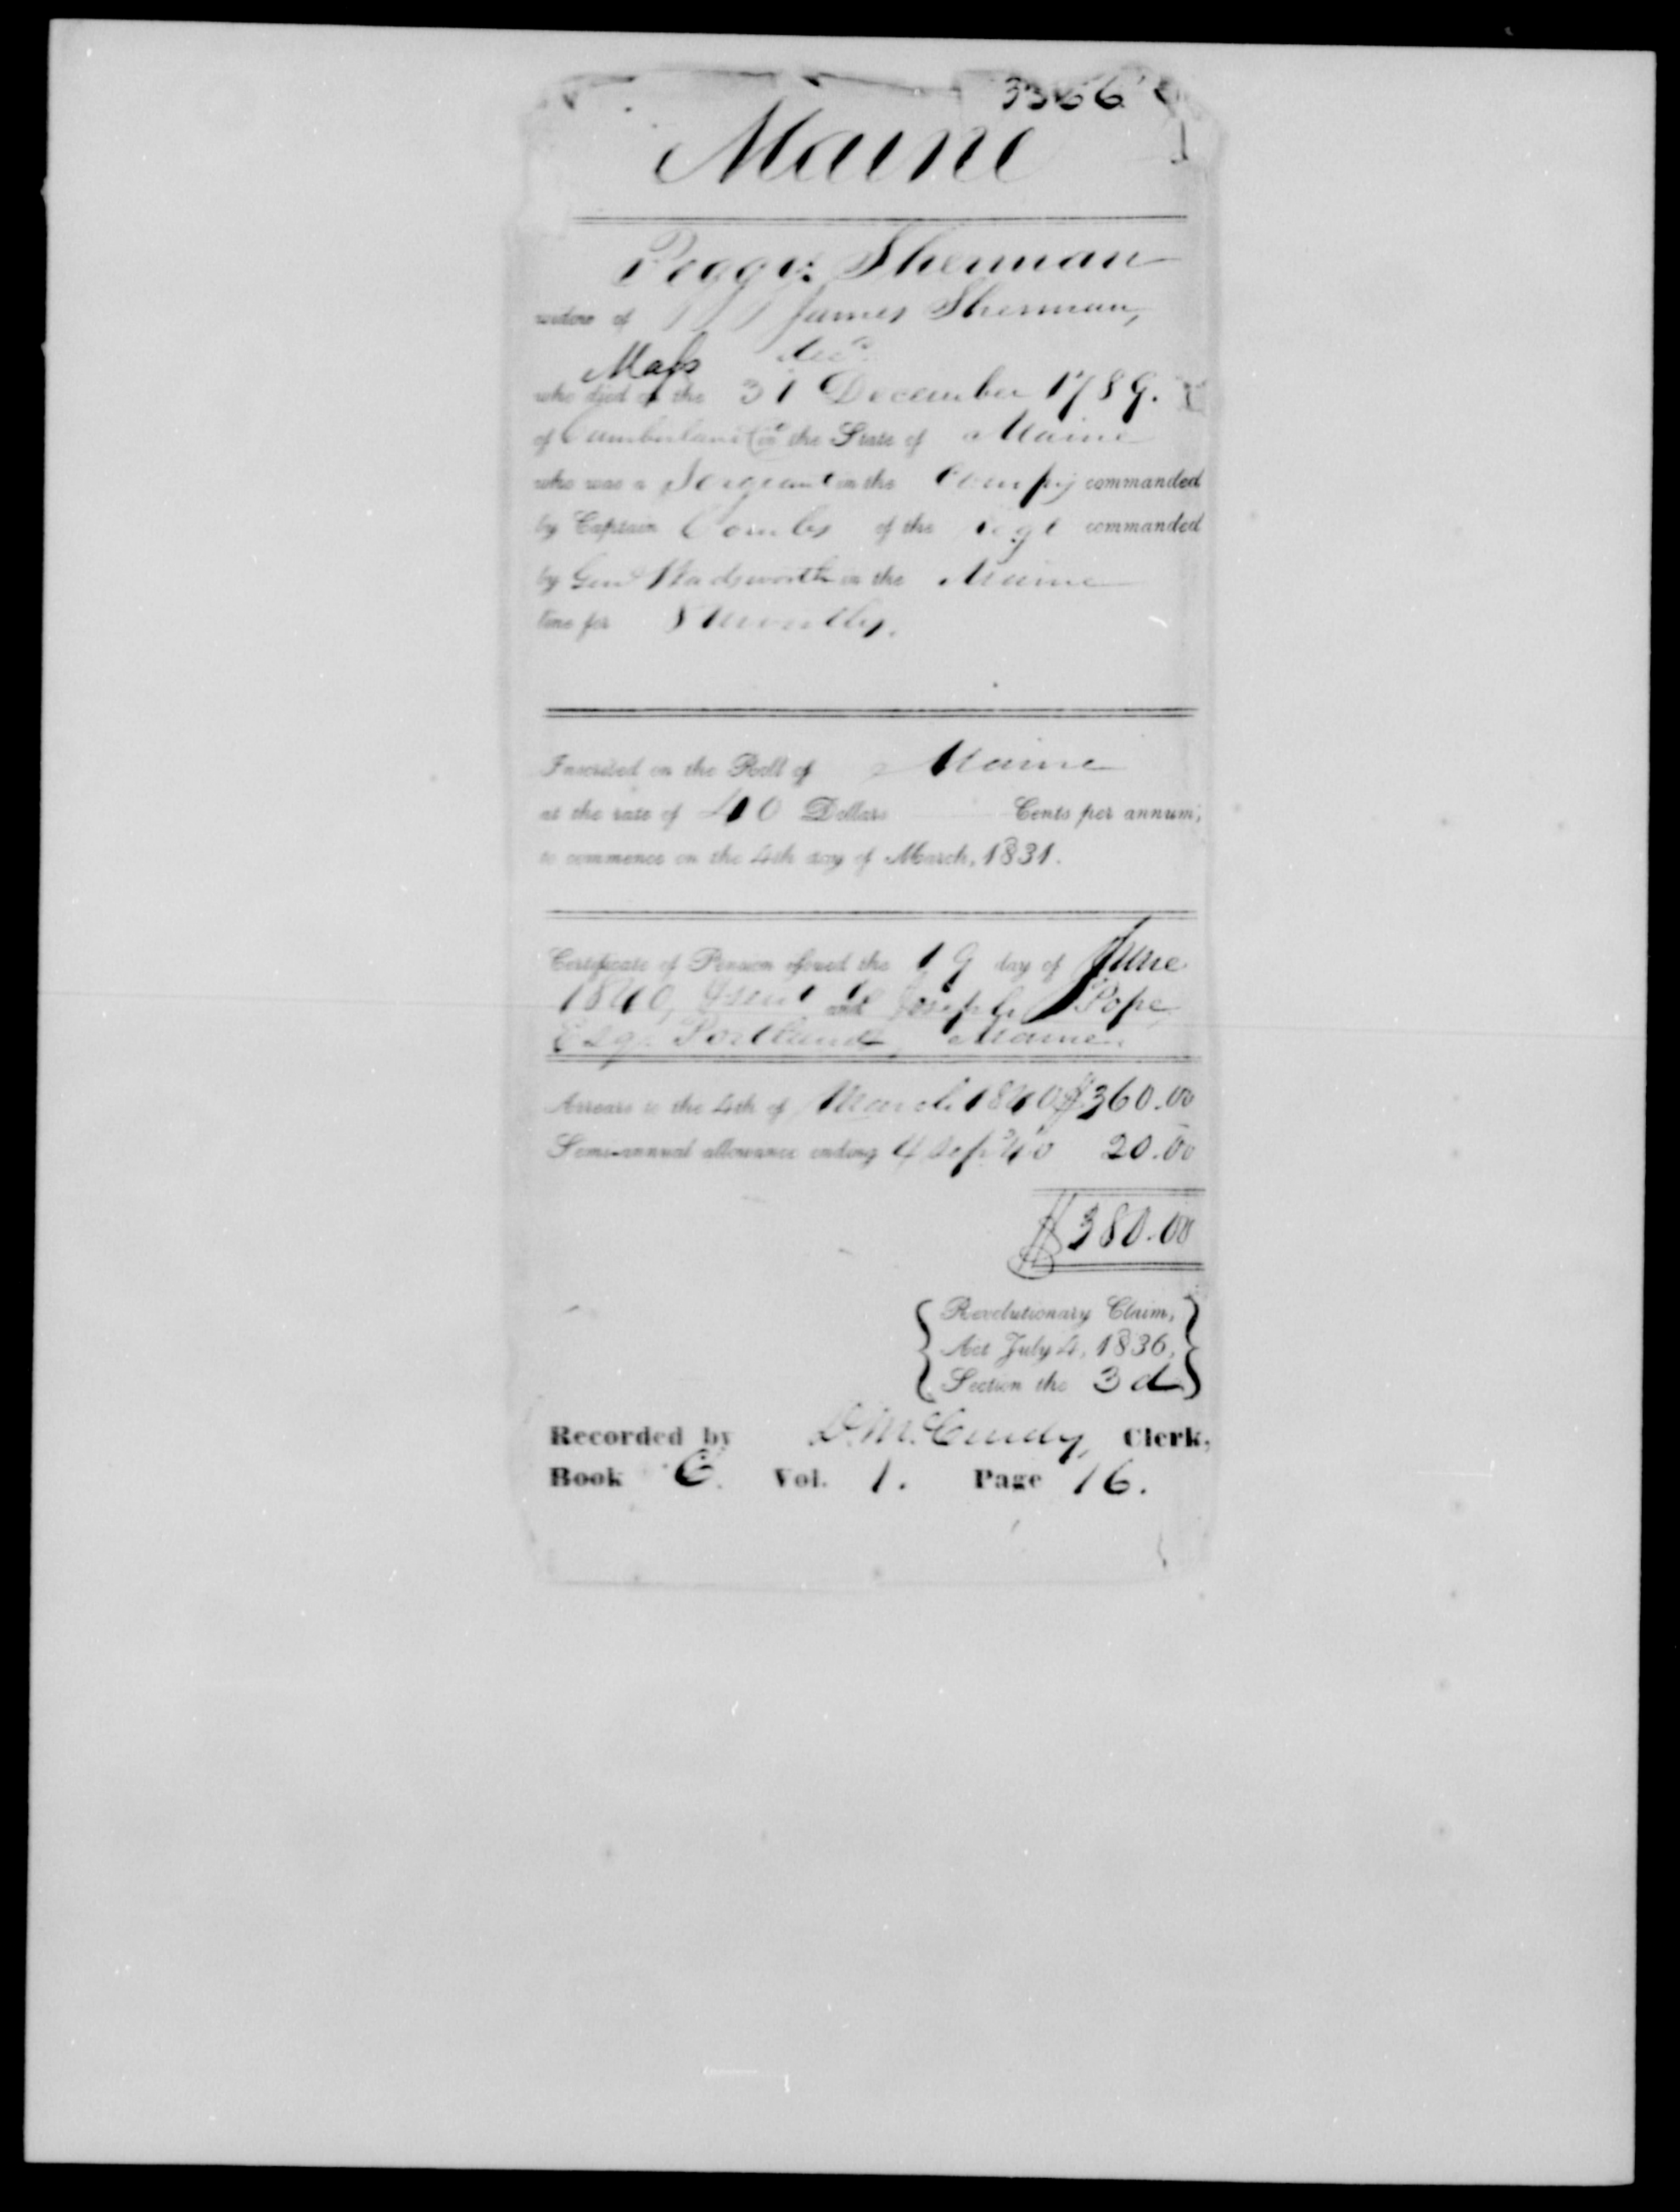[doc is printed, written & damaged]

3366
Maine 
[double line]
Peggy Sherman
widow of James Sherman
Mass decd?
who died on the 31 December 1789
of Cumberland Co. the State of Maine
who was a Sergeant in the Company commanded
by Captain Combs of the Regt commanded
by Genl Wadsworth in the Maine 
line for 8 months
[double line]
Inscribed on the Roll of Maine
at the rate of 40 Dollars --- Cents per annum
to commence on the 4th day of March, 1831.
[double line]
Certificate of Pension issued the 19 day of June
1840 & sent and Joseph Pope
Esqr Portland Maine
[double line]
Arrears to the 4th of March 1840       $360.00
Semi-annual allowance ending 4 Sepr 40       20.00 [figure double underlined]
$380.00 [figure double underlined]
{Revolutionary Claim,}
{Act July 4, 1836,}
{Section the 3d}

Recorded by D.M. Curdy, Clerk,
Book C  Vol 1.  Page 16.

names: James Sherman; Peggy Sherman; D Mc Curdy; [BLANK] Combs; Joseph G Pope; [BLANK] Wadsworth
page: 2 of 20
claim: widow's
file: W. 22,200, for James Sherman, Massachusetts